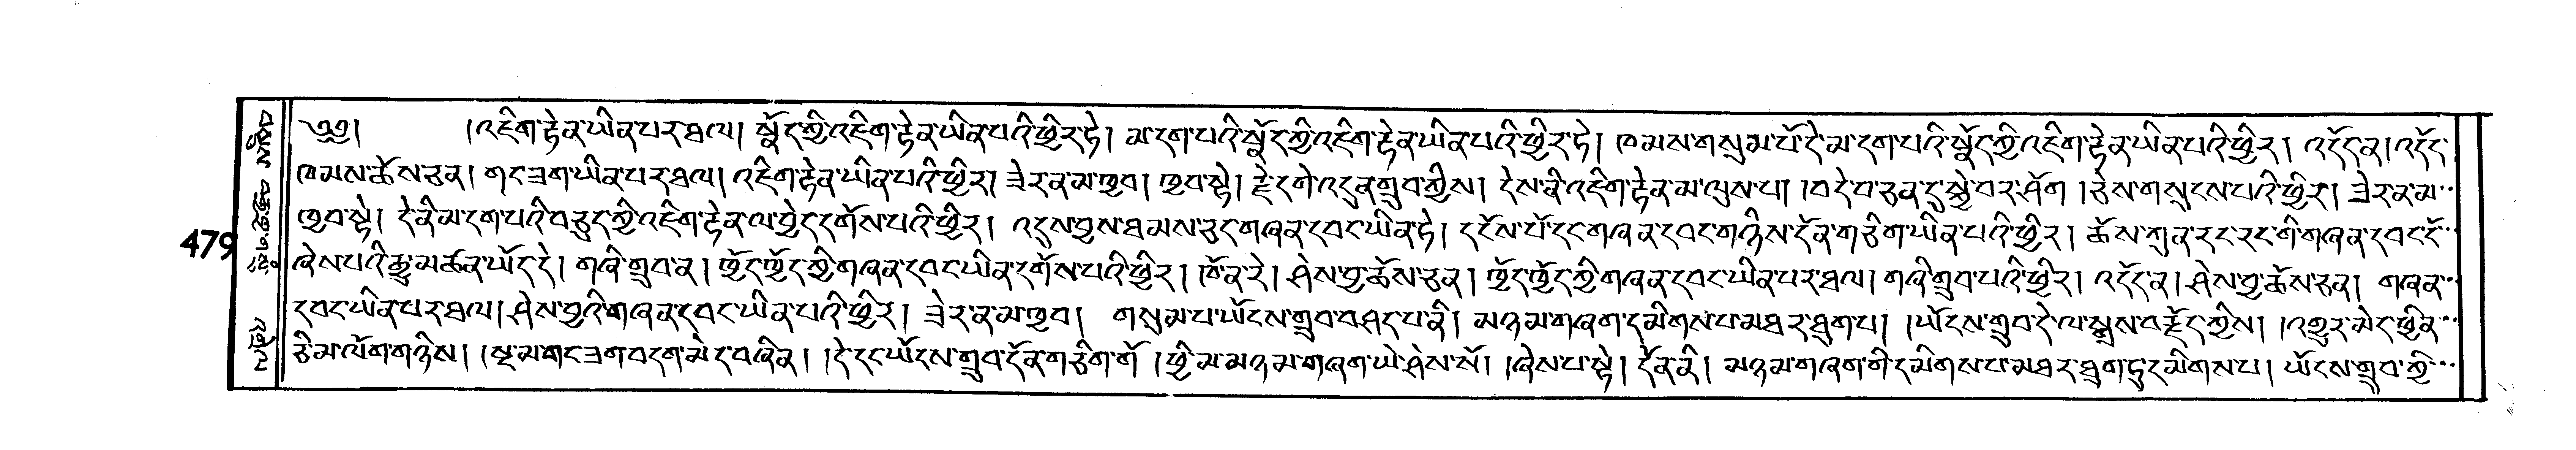༄༅། །འཇིག་རྟེན་ཡིན་པར་ཐལ། སྣོད་ཀྱི་འཇིག་རྟེན་ཡིན་པའི་ཕྱིར་ཏེ། མ་དག་པའི་སྣོད་ཀྱི་འཇིག་རྟེན་ཡིན་པའི་ཕྱིར་ཏེ། ཁམས་གསུམ་པོ་དེ་མ་དག་པའི་སྣོད་ཀྱི་འཇིག་རྟེན་ཡིན་པའི་ཕྱིར། འདོད་ན། འདོད་
ཁམས་ཆོས་ཅན། གང་ཟག་ཡིན་པར་ཐལ། འཇིག་རྟེན་ཡིན་པའི་ཕྱིར། ཟེར་ན་མ་ཁྱབ། ཁྱབ་སྟེ། རྗེ་དགེ་འདུན་གྲུབ་ཀྱིས། དེས་ནི་འཇིག་རྟེན་མ་ལུས་པ། །བདེ་བ་ཅན་དུ་སྐྱེ་བར་ཤོག །ཅེས་གསུངས་པའི་ཕྱིར། ཟེར་ན་མ་
ཁྱབ་སྟེ། དེ་ནི་མ་དག་པའི་བཅུད་ཀྱི་འཇིག་རྟེན་ལ་བྱེད་དགོས་པའི་ཕྱིར། འདུས་བྱས་ཐམས་ཅད་གཞན་དབང་ཡིན་ཏེ། དངོས་པོ་དང་གཞན་དབང་གཉིས་དོན་གཅིག་ཡིན་པའི་ཕྱིར། ཆོས་ཀུན་རང་རང་གི་གཞན་དབང་ངོ་
ཞེས་པའི་རྒྱུ་མཚན་ཡོད་དེ། གཞི་གྲུབ་ན། ཁྱོད་ཁྱོད་ཀྱི་གཞན་དབང་ཡིན་དགོས་པའི་ཕྱིར། ཁོ་ན་རེ། ཤེས་བྱ་ཆོས་ཅན། ཁྱོད་ཁྱོད་ཀྱི་གཞན་དབང་ཡིན་པར་ཐལ། གཞི་གྲུབ་པའི་ཕྱིར། འདོད་ན། ཤེས་བྱ་ཆོས་ཅན། གཞན་
དབང་ཡིན་པར་ཐལ། ཤེས་བྱའི་གཞན་དབང་ཡིན་པའི་ཕྱིར། ཟེར་ན་མ་ཁྱབ། གསུམ་པ་ཡོངས་གྲུབ་བཤད་པ་ནི། མཉམ་གཞག་དམིགས་པ་མཐར་ཐུག་པ། །ཡོངས་གྲུབ་དེ་ལ་སྒྲས་བརྗོད་ཀྱིས། །འགྱུར་མེད་ཕྱིན་
ཅི་མ་ལོག་གཉིས། །སྔ་མ་གང་ཟག་བདག་མེད་བཞིན། །དེ་དང་ཡོངས་གྲུབ་དོན་གཅིག་གོ །ཕྱི་མ་མཉམ་གཞག་ཡེ་ཤེས་སོ། །ཞེས་པ་སྟེ། དོན་ནི། མཉམ་གཞག་གི་དམིགས་པ་མཐར་ཐུག་ཏུ་དམིགས་པ། ཡོངས་གྲུབ་ཀྱི་